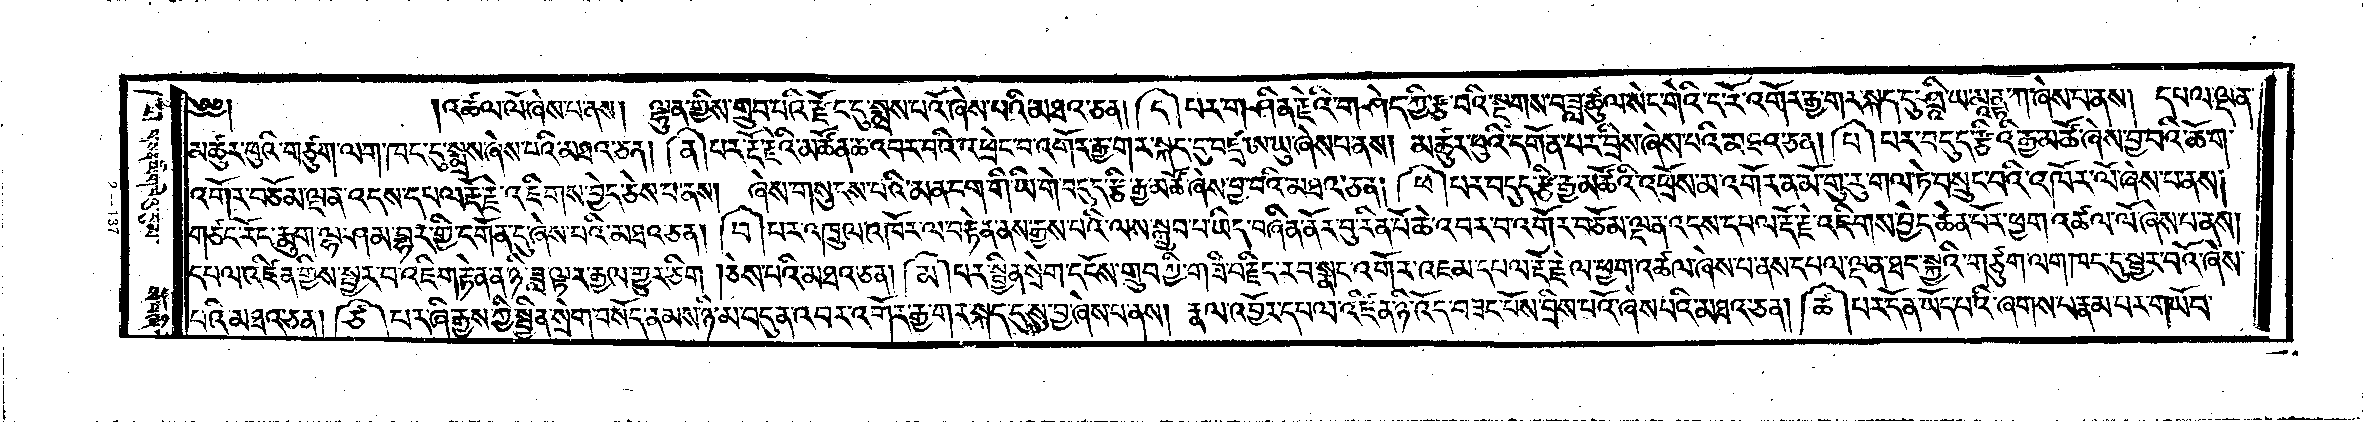༄༅། །འཚལ་ལོ་ཞེས་པ་ནས། ལྷུན་གྱིས་གྲུབ་པའི་རྫོང་དུ་སྨྲས་པའོ་ཞེས་པའི་མཐའ་ཅན། ༼ང༽ པར་གཤིན་རྗེའི་གཤེད་ཀྱི་རྩ་བའི་སྔགས་བཟླ་ཚུལ་སེང་གེའི་ང་རོ་འགོར་རྒྱ་གར་སྐད་དུ་ཤྲཱི་ཡ་མཱནྟ་ཀ་ཞེས་པ་ནས། དཔལ་ལྡན་
མཚུར་ཕུའི་གཙུག་ལག་ཁང་དུ་སྨྲས་ཞེས་པའི་མཐའ་ཅན། ༼ན༽ པར་རྡོ་རྗེའི་མཚོན་ཆ་འབར་བའི་འཕྲེང་བ་འགོར་རྒྱ་གར་སྐད་དུ་བཛྲ་ཨ་ཡུ་ཞེས་པ་ནས། མཚུར་ཕུའི་དགོན་པར་བྲིས་ཞེས་པའི་མཐའ་ཅན། ༼པ༽ པར་བདུད་རྩིའི་རྒྱ་མཚོ་ཞེས་བྱ་བའི་ཆོ་ག་
འགོར་བཅོམ་ལྡན་འདས་དཔལ་རྡོ་རྗེ་འཇིགས་བྱེད་ཅེས་པ་ནས། ཞེས་གསུངས་པའི་མན་ངག་གི་ཡི་གེ་བདུད་རྩི་རྒྱ་མཚོ་ཞེས་བྱ་བའི་མཐའ་ཅན། ༼ཕ༽ པར་བདུད་རྩི་རྒྱ་མཚོའི་འཕྲོས་མ་འགོར་ན་མོ་གུ་རུ་གལ་ཏེ་བསྲུང་བའི་འཁོར་ལོ་ཞེས་པ་ནས༑
གཙང་རོང་རྨུག་ལྷ་ཤམ་བྷར་གྱི་དགོན་དུ་ཞེས་པའི་མཐའ་ཅན། ༼པ༽ པར་འཁྲུལ་འཁོར་ལ་བརྟེན་ནས་རྒྱས་པའི་ལས་སྒྲུབ་པ་ཡིད་བཞིན་ནོར་བུ་རིན་པོ་ཆེ་འབར་བ་འགོར་བཅོམ་ལྡན་འདས་དཔལ་རྡོ་རྗེ་འཇིགས་བྱེད་ཆེན་པོར་ཕྱག་འཚལ་ལོ་ཞེས་པ་ནས།
དཔལ་འཛིན་གྱིས་སྦྱར་བ་འཇིག་རྟེན་ན་ཉི་ཟླ་ལྟར་རྒྱལ་གྱུར་ཅིག །ཅེས་པའི་མཐའ་ཅན། ༼མ༽ པར་སྦྱིན་སྲེག་དངོས་གྲུབ་ཀྱི་གཟི་བརྗིད་རབ་སྣང་འགོར་འཇམ་དཔལ་རྡོ་རྗེ་ལ་ཕྱག་འཚལ་ཞེས་པ་ནས་དཔལ་ལྡན་ཐང་སྐྱའི་གཙུག་ལག་ཁང་དུ་སྦྱར་བའོ་ཞེས་
པའི་མཐའ་ཅན། ༼ཙ༽ པར་ཞི་རྒྱས་ཀྱི་སྦྱིན་སྲེག་བསོད་ནམས་ཉི་མ་བདུན་འབར་འགོར་རྒྱ་གར་སྐད་དུ་སུ་བྱ་ཞེས་པ་ནས། རྣལ་འབྱོར་དཔལ་འཛིན་ཉི་འོད་བཟང་པོས་བྲིས་པའོ་ཞེས་པའི་མཐའ་ཅན། ༼ཚ༽ པར་དོན་ཡོད་པའི་ཞགས་པ་རྣམ་པར་གཡོབ་